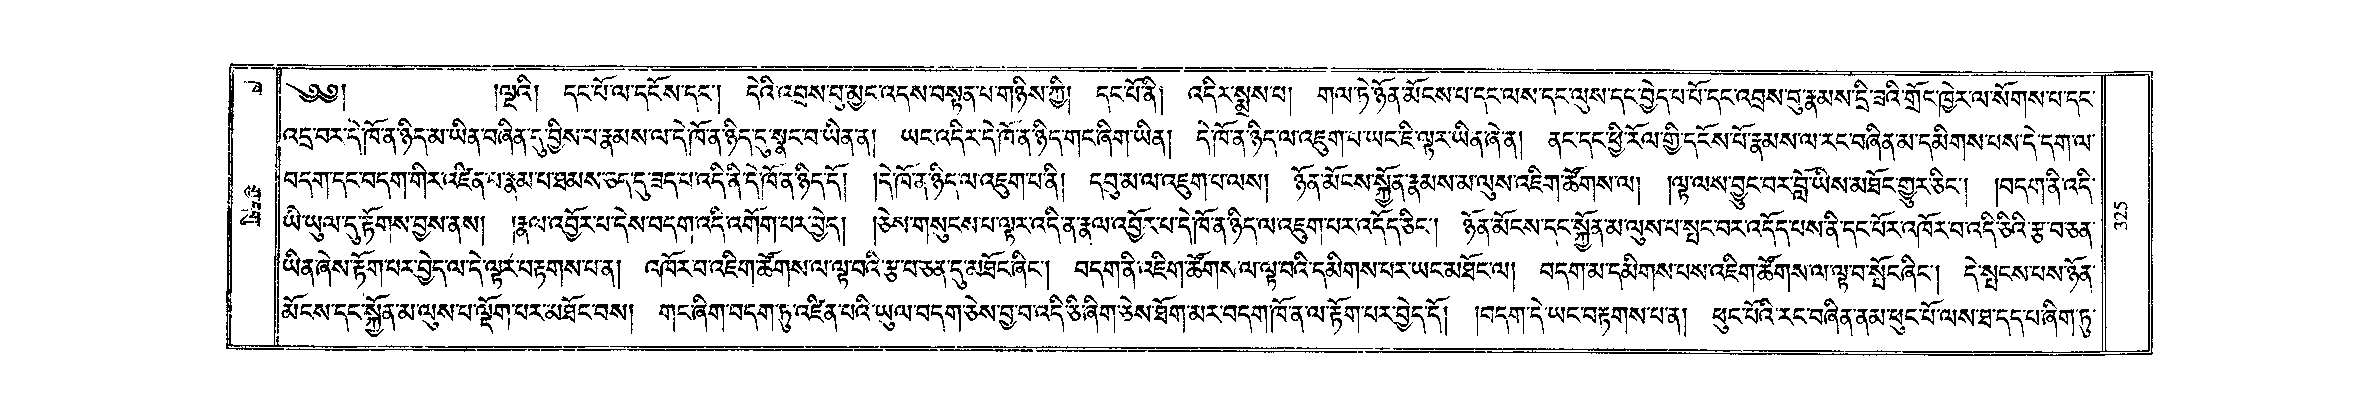༄༅། །ལྔའི། དང་པོ་ལ་དངོས་དང་། དེའི་འབྲས་བུ་མྱང་འདས་བསྟན་པ་གཉིས་ཀྱི། དང་པོ་ནི། འདིར་སྨྲས་པ། གལ་ཏེ་ཉོན་མོངས་པ་དང་ལས་དང་ལུས་དང་བྱེད་པ་པོ་དང་འབྲས་བུ་རྣམས་དྲི་ཟའི་གྲོང་ཁྱེར་ལ་སོགས་པ་དང་
འདྲ་བར་དེ་ཁོ་ན་ཉིད་མ་ཡིན་བཞིན་དུ་བྱིས་པ་རྣམས་ལ་དེ་ཁོ་ན་ཉིད་དུ་སྣང་བ་ཡིན་ན། ཡང་འདིར་དེ་ཁོ་ན་ཉིད་གང་ཞིག་ཡིན། དེ་ཁོ་ན་ཉིད་ལ་འཇུག་པ་ཡང་ཇི་ལྟར་ཡིན་ཞེ་ན། ནང་དང་ཕྱི་རོལ་གྱི་དངོས་པོ་རྣམས་ལ་རང་བཞིན་མ་དམིགས་པས་དེ་དག་ལ་
བདག་དང་བདག་གིར་འཛིན་པ་རྣམ་པ་ཐམས་ཅད་དུ་ཟད་པ་འདི་ནི་དེ་ཁོ་ན་ཉིད་དོ། །དེ་ཁོ་ན་ཉིད་ལ་འཇུག་པ་ནི། དབུ་མ་ལ་འཇུག་པ་ལས། ཉོན་མོངས་སྐྱོན་རྣམས་མ་ལུས་འཇིག་ཚོགས་ལ། །ལྟ་ལས་བྱུང་བར་བློ་ཡིས་མཐོང་གྱུར་ཅིང་། །བདག་ནི་འདི་
ཡི་ཡུལ་དུ་རྟོགས་བྱས་ནས། །རྣལ་འབྱོར་པ་དེས་བདག་འདི་འགོག་པར་བྱེད། །ཅེས་གསུངས་པ་ལྟར་འདི་ན་རྣལ་འབྱོར་པ་དེ་ཁོ་ན་ཉིད་ལ་འཇུག་པར་འདོད་ཅིང་། ཉོན་མོངས་དང་སྐྱོན་མ་ལུས་པ་སྤང་བར་འདོད་པས་ནི་དང་པོར་འཁོར་བ་འདི་ཅིའི་རྩ་བ་ཅན་
ཡིན་ཞེས་རྟོག་པར་བྱེད་ལ་དེ་ལྟར་བརྟགས་པ་ན། འཁོར་བ་འཇིག་ཚོགས་ལ་ལྟ་བའི་རྩ་བ་ཅན་དུ་མཐོང་ཞིང་། བདག་ནི་འཇིག་ཚོགས་ལ་ལྟ་བའི་དམིགས་པར་ཡང་མཐོང་ལ། བདག་མ་དམིགས་པས་འཇིག་ཚོགས་ལ་ལྟ་བ་སྤོང་ཞིང་། དེ་སྤངས་པས་ཉོན་
མོངས་དང་སྐྱོན་མ་ལུས་པ་ལྡོག་པར་མཐོང་བས། གང་ཞིག་བདག་ཏུ་འཛིན་པའི་ཡུལ་བདག་ཅེས་བྱ་བ་འདི་ཅི་ཞིག་ཅེས་ཐོག་མར་བདག་ཁོ་ན་ལ་རྟོག་པར་བྱེད་དོ། །བདག་དེ་ཡང་བརྟགས་པ་ན། ཕུང་པོའི་རང་བཞིན་ནམ་ཕུང་པོ་ལས་ཐ་དད་པ་ཞིག་ཏུ་